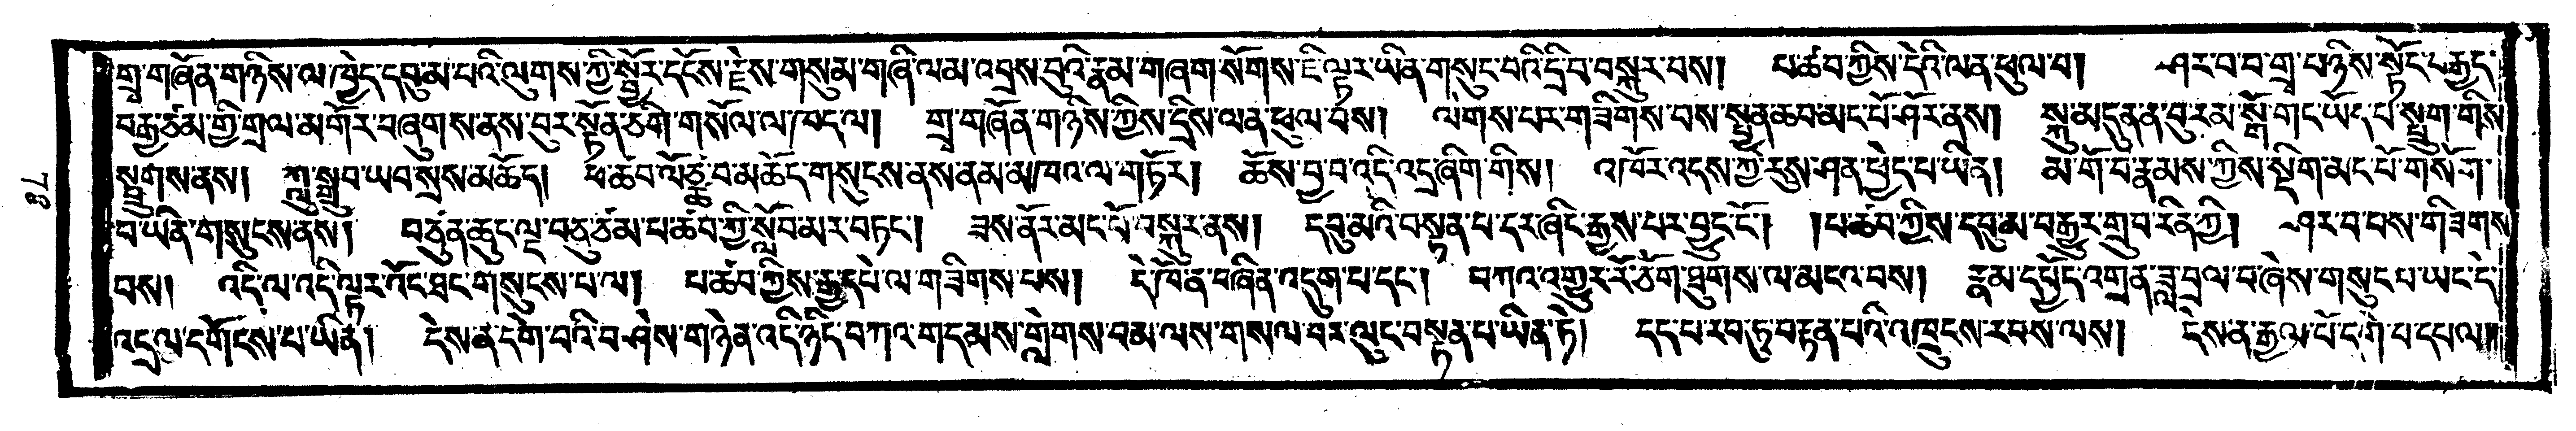གྲྭ་གཞོན་གཉིས་ལ་ཁྱེད་དབུ་མ་པའི་ལུགས་ཀྱི་སྦྱོར་དངོས་རྗེས་གསུམ་གཞི་ལམ་འབྲས་བུའི་རྣམ་གཞག་སོགས་ཇི་ལྟར་ཡིན་གསུང་བའི་དྲི་བ་བསྐུར་བས། པ་ཚབ་ཀྱིས་དེའི་ལན་ཕུལ་བ། ཤར་བ་བ་གྲྭ་པ་ཉིས་སྟོང་བརྒྱད་
བརྒྱ་ཙམ་གྱི་གྲལ་མགོར་བཞུགས་ནས་བུར་སྟོན་ཅིག་གསོལ་བ་ཁད་ལ། གྲྭ་གཞོན་གཉིས་ཀྱིས་དྲིས་ལན་ཕུལ་བས། ལེགས་པར་གཟིགས་པས་སྤྱན་ཆབ་མང་པོ་ཤོར་ནས། སྐུ་མདུན་ན་བུ་རམ་སྒོ་གང་ཡོད་པ་སྤྲུག་གིས་
སྤྲུགས་ནས། ཀླུ་སྒྲུབ་ཡབ་སྲས་མཆོད། ཕ་ཚབ་ལོཙྪ་བ་མཆོད་གསུངས་ནས་ནམ་མཁའ་ལ་གཏོར། ཆོས་བྱ་བ་འདི་འདྲ་ཞིག་གིས། འཁོར་འདས་ཀྱི་རུས་ཤན་ཕྱེད་པ་ཡིན། མ་གོ་བ་རྣམས་ཀྱིས་སྡིག་མང་པོ་གསོག་
པ་ཡིན་གསུངས་ནས། བཙུན་ཆུང་ལྔ་བཅུ་ཙམ་པ་ཚབ་ཀྱི་སློབ་མར་བཏང་། ཟས་ནོར་མང་པོ་བསྐུར་ནས། དབུ་མའི་བསྟན་པ་དར་ཞིང་རྒྱས་པར་བྱུང་ངོ། །པ་ཚབ་ཀྱིས་དབུ་མ་བརྒྱུར་གྲུབ་རིན་གྱི། ཤར་བ་པས་གཟིགས་
པས། འདི་ལ་འདི་ལྟར་འོད་ཐང་གསུངས་པ་ལ། པ་ཚབ་ཀྱིས་རྒྱ་དཔེ་ལ་གཟིགས་པས། དེ་ཁོ་ན་བཞིན་འདུག་པ་དང་། བཀའ་འགྱུར་རོ་ཅོག་ཐུགས་ལ་མངའ་བས། རྣམ་དཔྱོད་འགྲན་ཟླ་བྲལ་བ་ཞེས་གསུང་པ་ཡང་དེ་
འདྲ་ལ་དགོངས་པ་ཡིན། དེས་ན་དགེ་བའི་བཤེས་གཉེན་འདི་ཉིད་བཀའ་གདམས་གླེགས་བམ་ལས་གསལ་བར་ལུང་བསྟན་པ་ཡིན་ཏེ། དད་པ་རབ་ཏུ་བརྟན་པའི་འཁྲུངས་རབས་ལས། དེས་ན་རྒྱལ་པོ་དགེ་བ་དཔལ།།